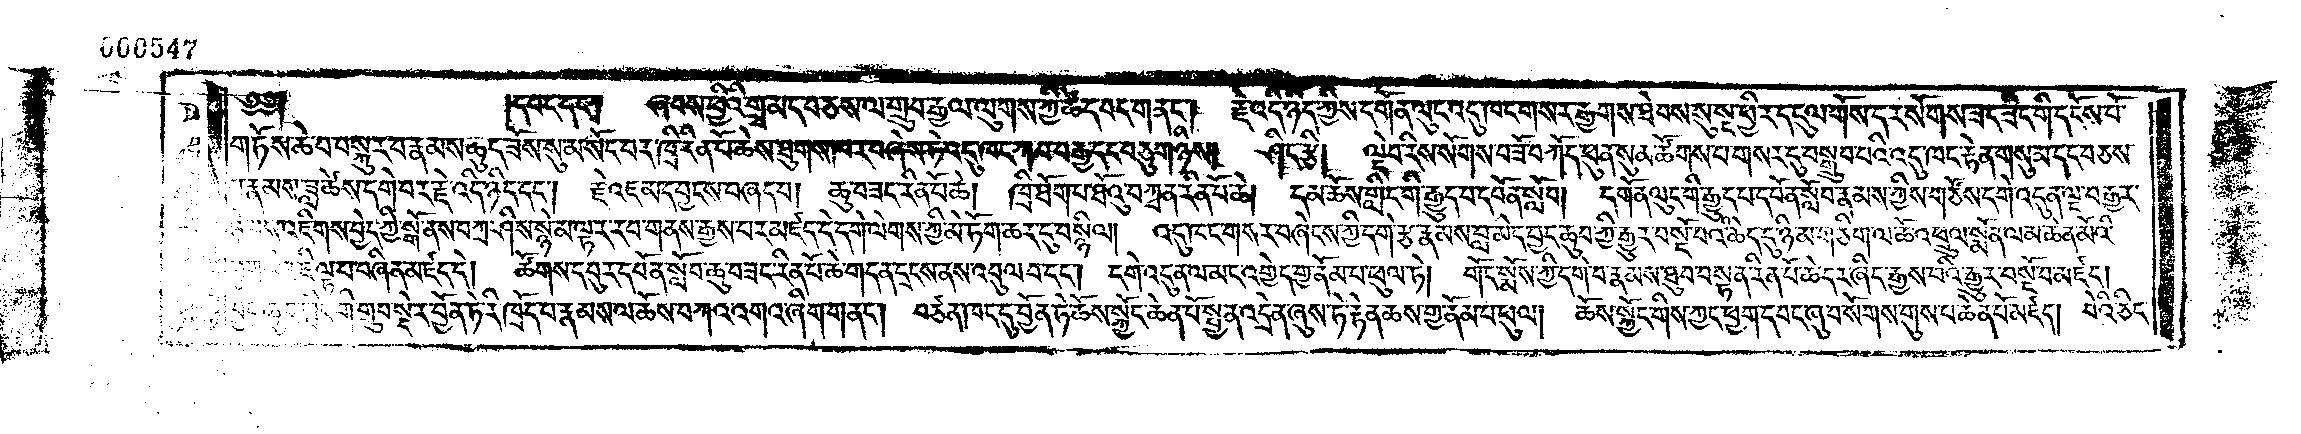༄༅། །དབང་དང་། ཞབས་ཕྱིའི་གྲྭ་མང་བཅས་ལ་གྲུབ་རྒྱལ་ལུགས་ཀྱི་ཚེ་དབང་གནང་། རྗེ་འདི་ཉིད་ཀྱིས་དགོན་ལུང་འདུ་ཁང་གསར་རྒྱགས་ཐེབས་སུ་སྔ་ཕྱིར་དངུལ་གོས་དར་སོགས་ཟང་ཟིང་གི་དངོས་བོ་
གཏོས་ཆེ་བ་བསྐུར་བ་རྣམས་ཆུད་ཟོས་སུ་མ་སོང་བར་ཁྲི་རིན་པོ་ཆེས་ཐུགས་ཁུར་བཞེས་ཏེ་འདུ་ཁང་ཀབ་བརྒྱ་དང་བཅུ་གཉིས། ཤིང་རྩི། ལྡེབ་རིས་སོགས་བཟོ་བཀོད་ཕུན་སུམ་ཚོགས་པ་གསར་དུ་བསྒྲུབ་པའི་འདུ་ཁང་རྟེན་གསུམ་དང་བཅས་
པ་རྣམས་ཟླ་ཚེས་དགེ་བར་རྗེ་འདི་ཉིད་དང་། རྗེ་འཇམ་དབྱངས་བཞད་པ། ཆུ་བཟང་རིན་པོ་ཆེ། ཁྲི་ཐོག་པ་ཐོའུ་བཀྭན་རིན་པོ་ཆེ། དམ་ཆོས་གླིང་གི་རྒྱུད་པ་དབོན་སློབ། དགོན་ལུང་གི་རྒྱུད་བ་དཔོན་སློབ་རྣམས་ཀྱིས་གཙོས་དགེ་འདུན་ལྔ་བརྒྱར་
ཉེ་བས་འཇིགས་བྱེད་ཀྱི་སྒོ་ནས་བཀྲ་ཤིས་སྙེ་མ་ལྷར་རབ་གནས་རྒྱས་བར་མཛད་དེ་དགེ་ལེགས་ཀྱི་མེ་ཏོག་ཆར་དུ་བསྙིལ། འདུ་ཁང་གསར་བཞེངས་ཀྱི་དགེ་རྩ་རྣམས་བླ་མེད་བྱང་ཆུབ་ཀྱི་རྒྱུར་བསྔོ་བའི་ཆེད་དུ་ཉི་མ་གཅིག་ལ་ཆོ་འཕྲུལ་སྨོན་ལམ་ཆེན་མོའི་
ཕྱག་ལེན་ཇི་ལྟ་བ་བཞིན་མཛད་དེ། ཚོགས་དབུར་དཔོན་སློབ་ཆུ་བཟང་རིན་པོ་ཆེ་གདན་དྲངས་ནས་འབུལ་བ་དང་། དགེ་འདུན་ལ་མང་འགྱེད་གྱ་ནོམ་པ་ཕུལ་ཏེ། གོང་སྨོས་ཀྱི་དགེ་བ་རྣམས་ཐུབ་བསྟན་རིན་པོ་ཆེ་དར་ཞིང་རྒྱས་པའི་རྒྱུར་བསྔོ་བ་མཛད།
བྱང་ཆུབ་གླིང་གི་གྲུབ་སྡེར་བྱོན་ཏེ་རི་ཁྲོད་པ་རྣམས་ལ་ཆོས་བཀའ་འགའ་ཞིག་གནང་། བཙན་ཁང་དུ་བྱོན་ཏེ་ཆོས་སྐྱོང་ཆེན་པོ་སྤྱན་འདྲེན་ཞུས་ཏེ་རྟེན་ཆས་གྱ་ནོམ་པ་ཕུལ། ཆོས་སྐྱོང་གིས་ཀྱང་ཕྱག་དབང་ཞུ་བ་སོགས་གུས་པ་ཆེན་པོ་མཛད། བེའི་ཅིང་